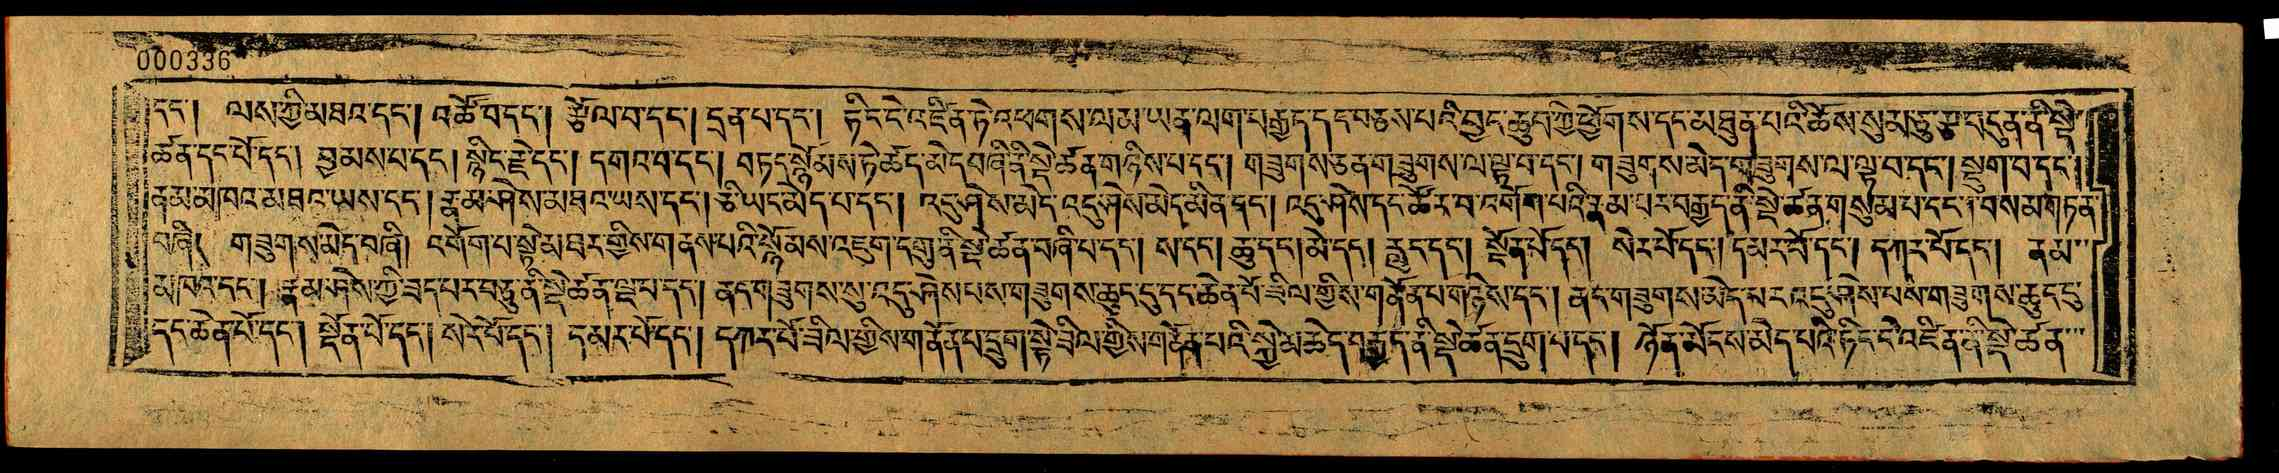དང་། ལས་ཀྱི་མཐའ་དང་། འཚོ་བ་དང་། རྩོལ་བ་དང་། དྲན་པ་དང་། ཏིང་ངེ་འཛིན་ཏེ་འཕགས་ལམ་ཡན་ལག་བརྒྱད་དང་བཅས་པའི་བྱང་ཆུབ་ཀྱི་ཕྱོགས་དང་མཐུན་པའི་ཆོས་སུམ་ཅུ་རྩ་བདུན་ནི་སྡེ་
ཚན་དང་པོ་དང་། བྱམས་པ་དང་། སྙིང་རྗེ་དང་། དགའ་བ་དང་། བཏང་སྙོམས་ཏེ་ཚད་མེད་བཞི་ནི་སྡེ་ཚན་གཉིས་པ་དང་། གཟུགས་ཅན་གཟུགས་ལ་ལྟ་བ་དང་། གཟུགས་མེད་གཟུགས་ལ་ལྟ་བ་དང་། སྡུག་པ་དང་།
ནམ་མཁའ་མཐའ་ཡས་དང་། རྣམ་ཤེས་མཐའ་ཡས་དང་། ཅི་ཡང་མེད་པ་དང་། འདུ་ཤེས་མེད་འདུ་ཤེས་མེད་མིན་དང་། འདུ་ཤེས་དང་ཚོར་བ་འགོག་པའི་རྣམ་པར་བརྒྱད་ནི་སྡེ་ཚན་གསུམ་པ་དང་། བསམ་གཏན་
བཞི། གཟུགས་མེད་བཞི། འགོག་བ་སྟེ་མཐར་གྱིས་གནས་པའི་སྙོམས་འཇུག་དགུ་ནི་སྡེ་ཚན་བཞི་པ་དང་། ས་དང་། ཆུ་དང་། མེ་དང་། རླུང་དང་། སྔོན་པོ་དང་། སེར་པོ་དང་། དམར་པོ་དང་། དཀར་པོ་དང་། ནམ་
མཁའ་དང་། རྣམ་ཤེས་ཀྱི་ཟད་པར་བཅུ་ནི་སྡེ་ཚན་ལྔ་པ་དང་། ནང་གཟུགས་སུ་འདུ་ཤེས་པས་གཟུགས་ཆུང་ངུ་དང་ཆེན་པོ་ཟིལ་གྱིས་གནོན་པ་གཉིས་དང་། ནང་གཟུགས་མེད་པར་འདུ་ཤེས་པས་གཟུགས་ཆུང་ངུ་
དང་ཆེན་པོ་དང་། སྔོན་པོ་དང་། སེར་པོ་དང་། དམར་པོ་དང་། དཀར་པོ་ཟིལ་གྱིས་གནོན་པ་དྲུག་སྟེ་ཟིལ་གྱིས་གནོན་པའི་སྐྱེ་མཆེད་བརྒྱད་ནི་སྡེ་ཚན་དྲུག་པ་དང་། ཉོན་མོངས་མེད་པའི་ཏིང་ངེ་འཛིན་ནི་སྡེ་ཚན་